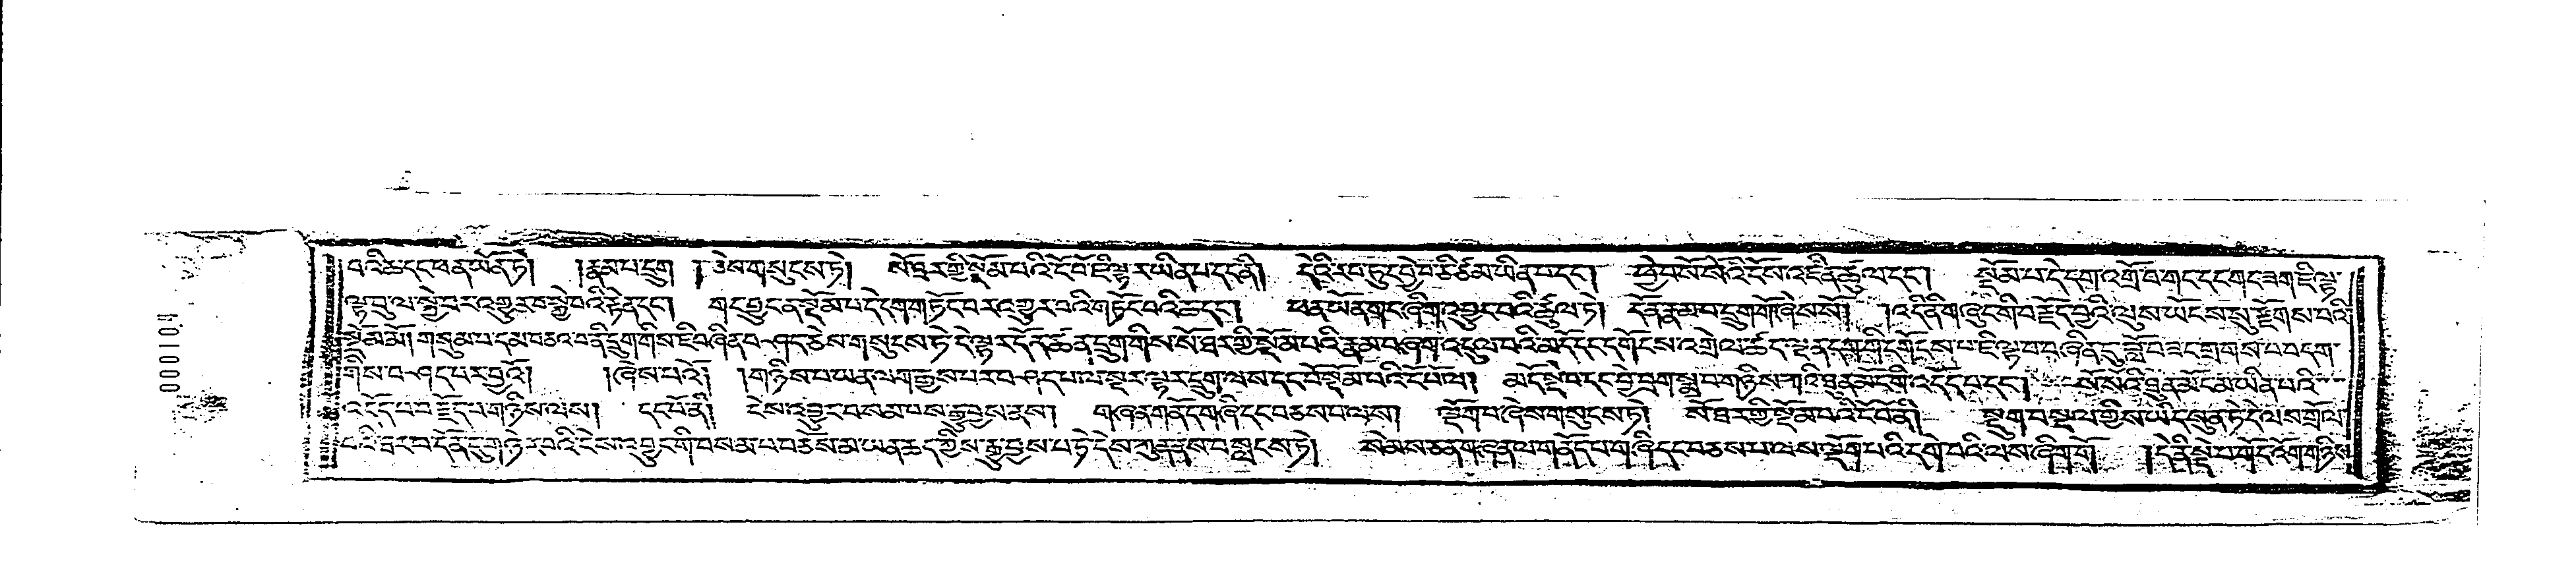བའི་ཆ་དང་ཕན་ཡོན་ཏེ། །རྣམ་པ་དྲུག །ཅེས་གསུངས་ཏེ། སོ་ཐར་གྱི་སྡོམ་པའི་ངོ་བོ་ཇི་ལྟར་ཡིན་པ་དང་ནི། དེའི་རབ་ཏུ་དབྱེ་བ་ཅི་ཙམ་ཡིན་པ་དང་། ཕྱེ་བ་སོ་སོའི་ངོས་འཛིན་ཚུལ་དང་། སྡོམ་པ་དེ་དག་འགྲོ་བ་གང་དང་གང་ཟག་ཇི་ལྟ་
ལྟ་བུ་ལ་སྐྱེ་བར་འགྱུར་བ་སྐྱེ་བའི་རྟེན་དང་། གང་བྱུང་ན་སྡོམ་པ་དེ་དག་གཏོང་བར་འགྱུར་བའི་གཏོང་བའི་ཆ་དང་། ཕན་ཡོན་གང་ཞིག་འབྱུང་བའི་ཚུལ་ཏེ། དོན་རྣམ་པ་དྲུག་གོ་ཞེས་སོ། །འདི་ནི་གཞུང་གི་བརྗོད་བྱའི་ལུས་ཡོངས་སུ་རྫོགས་པའི་
སྡོམ་མོ། གསུམ་པ་དམ་བཅའ་བ་ནི་དྲུག་གིས་ཇི་བཞིན་བཤད་ཅེས་གསུངས་ཏེ་དེ་ལྟར་དོན་ཚན་དྲུག་གིས་སོ་ཐར་གྱི་སྡོམ་པའི་རྣམ་བཞག་འདུལ་བའི་མདོ་དང་དགོངས་འགྲེལ་ཚད་ལྡན་དག་གི་དགོངས་པ་ཇི་ལྟ་བ་བཞིན་དུ་བློ་བཟང་གྲགས་པ་བདག་
གིས་བཤད་པར་བྱའོ། །ཞེས་པའོ། །གཉིས་པ་ཡན་ལག་རྒྱས་པར་བཤད་པ་ལ་སྔར་ལྟར་དྲུག་ལས་དང་པོ་སྡོམ་པའི་ངོ་བོ་ལ། མདོ་སྡེ་བ་དང་བྱེ་བྲག་སྨྲ་བ་གཉིས་ཀའི་ཐུན་མོང་གི་འདོད་པ་དང་། སོ་སོའི་ཐུན་མོང་མ་ཡིན་པའི་
འདོད་པ་བརྗོད་པ་གཉིས་ལས། དང་པོ་ནི། ངེས་འབྱུང་བསམ་བས་རྒྱུ་བྱས་ནས། གཞན་གནོད་གཞི་དང་བཅས་པ་ལས། ལྡོག་པ་ཞེས་གསུངས་ཏེ། སོ་ཐར་གྱི་སྡོམ་པའི་ངོ་བོ་ནི། སྡུག་བསྔལ་གྱིས་ཡིད་སུན་ཏེ་དེ་ལས་གྲོལ་
བའི་ཐར་པ་དོན་དུ་གཉེར་བའི་ངེས་འབྱུང་གི་བསམ་པ་བཅོས་མ་ཡན་ཆད་ཀྱིས་རྒྱུ་བྱས་པ་ཏེ་དེས་ཀུན་ནས་བསླངས་ཏེ། སེམས་ཅན་གཞན་ལ་གནོད་པ་གཞི་དང་བཅས་པ་ལས་ལྡོག་པའི་དགེ་བའི་ལས་ཞིག་གོ །དེ་ནི་སྡེ་བ་གོང་འོག་གཉིས་